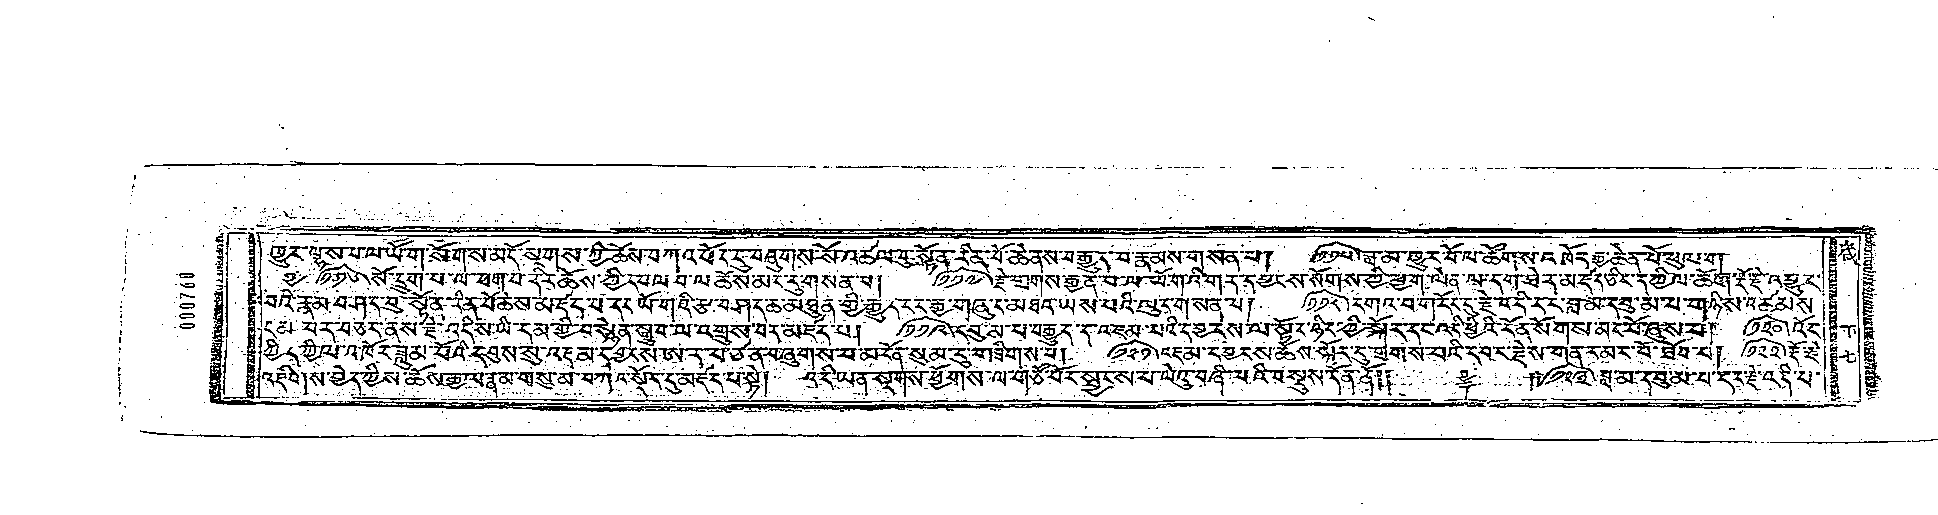ཁྱུང་ལྷས་པ་ལ་ཡོ་ག་སོགས་མདོ་སྔགས་ཀྱི་ཆོས་བཀའ་བོང་དུ་བཞུགས་སོ་འཚལ་བུ་སྟོན་རིན་པོ་ཆེ་ནས་བརྒྱུད་པ་རྣམས་གསན་པ། ༡༡༥?་བླ་མ་ཁྱུང་པོ་ལ་ཚོགས་འཁོར་རྒྱ་ཆེན་པོ་ཕུལ་བ།
༧ ༼༡༡༦?་སོ་དྲུག་པ་ལ་ཕུག་པ་དིར་ཆོས་ཀྱི་དཔལ་བ་ལ་ཆོས་མང་དུ་གསན་པ། ༽༡༡༧?་རྗེ་གྲགས་རྒྱན་པ་ལ་ཡོ་གའི་གར་དབྱངས་སོགས་ཀྱི་ཕྱག་ལེན་ལ་དག་ཐེར་མཛད་ཅིང་དཀྱིལ་ཆོག་རྡོ་རྗེ་འབྱུང་
བའི་རྣམ་བཤད་བུ་སྟོན་རིན་པོ་ཆེས་མཛད་པ་དང་ཡོ་གའི་རྩ་བཤད་ཆ་མཐུན་གྱི་རྒྱུད་དང་རྒྱ་གཞུང་མཐའ་ཡས་པའི་ལུང་གསན་པ། ༡༡༨?་དགའ་བ་གདོང་དུ་རྗེ་འདི་དང་བླ་མ་དབུ་མ་པ་གཉིས་འཚམས་
དམ་པར་བཅད་ནས་རྗེ་འདིས་ཡི་དམ་གྱི་བསྙེན་སྒྲུབ་ལ་འགྲུས་བར་མཛད་པ། ༼༡༡༩?་དབུ་མ་པ་བརྒྱུད་དེ་འཇམ་པའི་དབྱངས་ལ་སྟོང་ཉིད་ཀྱི་སྐོར་དང་འདི་ཕྱིའི་དོན་སོགས་མང་པོ་ཞུས་པ། ༽༡༢༠?་འོང་
ཀྱི་དཀྱིལ་འཁོར་ཟླུམ་པོའི་དབུས་སུ་འཇམ་དབྱངས་ཨ་ར་པ་ཙ་ན་བཞུགས་པ་མངོན་སུམ་དུ་གཟིགས་པ། ༼༡༢༡?་འཇམ་དབྱངས་ཆོས་སྐོར་དུ་གྲགས་པའི་དབང་རྗེས་གནང་མང་པོ་ཐོབ་པ། ༽༡༢༢?་རྡོ་རྗེ་
འཇིགས་བྱེད་ཀྱིས་ཆོས་རྒྱ་ལ་རྣམ་གསུམ་བཀའ་སྡོང་དུ་མཛད་པ་སྟེ། འདི་ཡན་སྔགས་ཕྱོགས་ལ་གཙོ་བོར་སྦྱངས་པ་ལེའུ་བཞི་པའི་བསྡུས་དོན་ནོ།། ༈ ༥?་། ༡༢༣?་བླ་མ་དབུ་མ་པ་དང་རྗེ་འདི་པ་